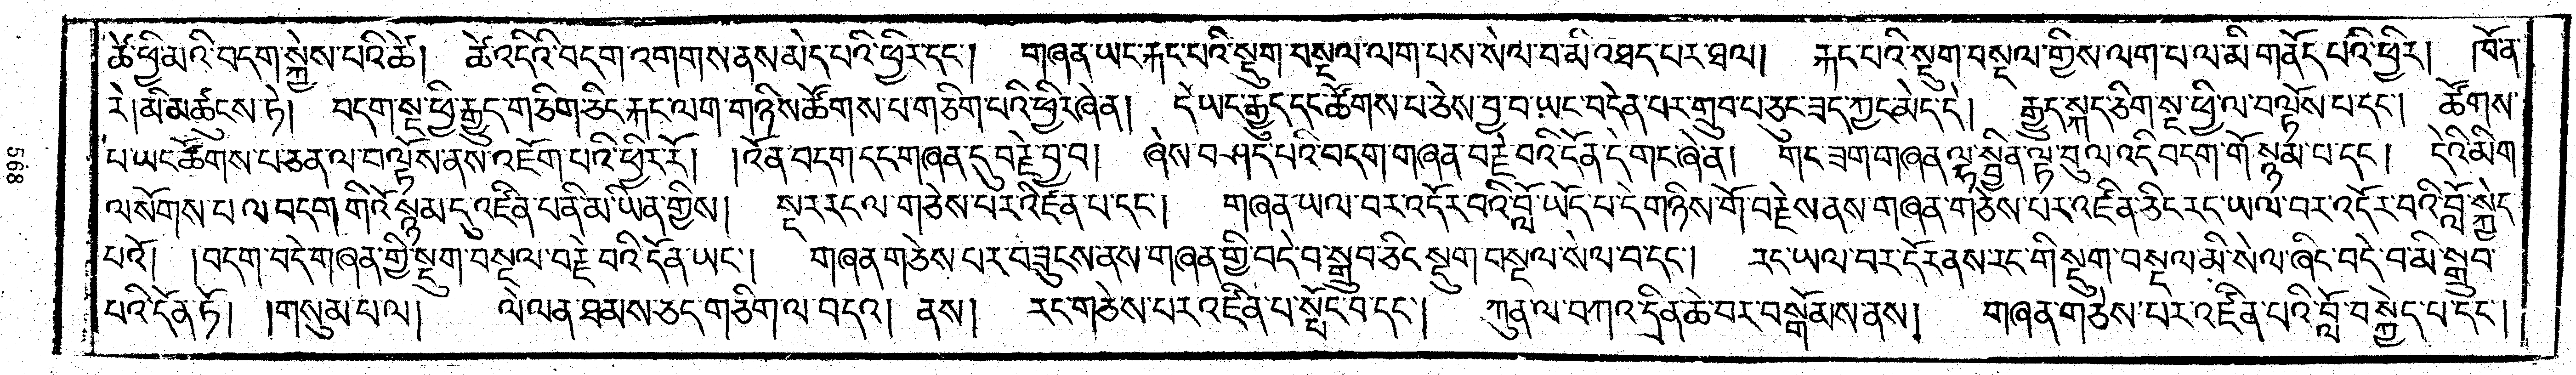ཚེ་ཕྱི་མའི་བདག་སྐྱེས་པའི་ཚེ། ཚེ་འདིའི་བདག་འགགས་ནས་མེད་པའི་ཕྱིར་དང་། གཞན་ཡང་རྐང་པའི་སྡུག་བསྔལ་ལག་པས་སེལ་བ་མི་འཐད་པར་ཐལ། རྐང་པའི་སྡུག་བསྔལ་གྱིས་ལག་པ་ལ་མི་གནོད་པའི་ཕྱིར། ཁོ་ན་
རེ། མི་མཚུངས་ཏེ། བདག་སྔ་ཕྱི་རྒྱུད་གཅིག་ཅིང་རྐང་ལག་གཉིས་ཚོགས་པ་གཅིག་པའི་ཕྱིར་ཞེ་ན། དེ་ཡང་རྒྱུད་དང་ཚོགས་པ་ཅེས་བྱ་བ་ཡང་བདེན་པར་གྲུབ་པ་ཅུང་ཟད་ཀྱང་མེད་དེ། རྒྱུད་སྐད་ཅིག་སྔ་ཕྱི་ལ་བལྟོས་པ་དང་། ཚོགས་
པ་ཡང་ཚོགས་པ་ཅན་ལ་བལྟོས་ནས་འཇོག་པའི་ཕྱིར་རོ། །འོ་ན་བདག་དང་གཞན་དུ་བརྗེ་བྱ་བ། ཞེས་བཤད་པའི་བདག་གཞན་བརྗེ་བའི་དོན་དེ་གང་ཞེ་ན། གང་ཟག་གཞན་ལྷ་སྦྱིན་ལྟ་བུ་ལ་འདི་བདག་གོ་སྙམ་པ་དང་། དེའི་མིག་
ལ་སོགས་པ་ལ་བདག་གིའོ་སྙམ་དུ་འཛིན་པ་ནི་མ་ཡིན་གྱིས། སྔར་རང་ལ་གཅེས་པར་འཛིན་པ་དང་། གཞན་ཡལ་བར་འདོར་བའི་བློ་ཡོད་པ་དེ་གཉིས་གོ་བརྗེས་ནས་གཞན་གཅེས་པར་འཛིན་ཅིང་རང་ཡལ་བར་འདོར་བའི་བློ་སྐྱེད་
པའོ། །བདག་བདེ་གཞན་གྱི་སྡུག་བསྔལ་བརྗེ་བའི་དོན་ཡང་། གཞན་གཅེས་པར་བཟུངས་ནས་གཞན་གྱི་བདེ་བ་སྒྲུབ་ཅིང་སྡུག་བསྔལ་སེལ་བ་དང་། རང་ཡལ་བར་དོར་ནས་རང་གི་སྡུག་བསྔལ་མི་སེལ་ཞིང་བདེ་བ་མི་སྒྲུབ་
པའི་དོན་ཏོ། །གསུམ་པ་ལ། ལེ་ལན་ཐམས་ཅད་གཅིག་ལ་བདའ། ནས། རང་གཅེས་པར་འཛིན་པ་སྤོང་བ་དང་། ཀུན་ལ་བཀྲ་དྲིན་ཆེ་བར་བསྒོམས་ནས། གཞན་གཅེས་པར་འཛིན་པའི་བློ་བསྐྱེད་པ་དང་།